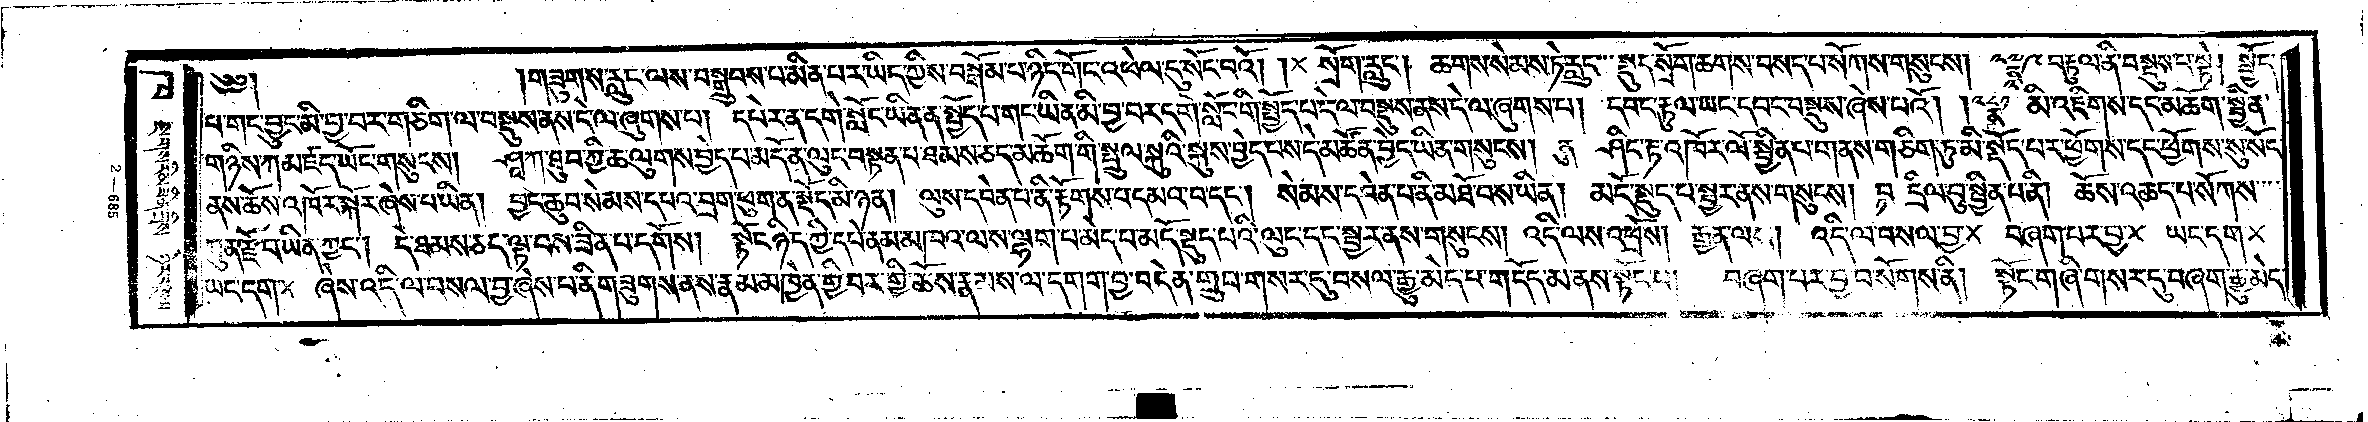༄༅། །གཟུགས་རླུང་ལས་བསྒྲུབས་པ་མིན་པར་ཡིད་ཀྱིས་བསྒོམ་པ་ཉིད་གོང་འཕེལ་དུ་སོང་བའོ། །྾་སྲོག་རླུང་། ཆགས་སེམས་ཏེ་རླུང་སྡུད་སྲོག་ཆགས་བསད་པ་སོགས་གསུངས། ༢༧༩ན༢་བརྟུལ་ནི་བསྡུས་པ་སྟེ། སྤྱོད་
པ་གང་བྱུང་མི་བྱ་བར་གཅིག་ལ་བསྡུས་ནས་དེ་ལ་ཞུགས་པ། དཔེར་ན་དགེ་སློང་ཡིན་ན་སྤྱོད་པ་གང་ཡིན་མི་བྱ་བར་དགེ་སློང་གི་སྤྱོད་པ་དེ་ལ་བསྡུས་ནས་དེ་ལ་ཞུགས་པ། དབང་རྟུལ་ཡང་དབང་བསྡུས་ཞེས་པའོ། །༢༨༡ན་མི་འཇིགས་དང་མཆོག་སྦྱིན་
གཉིས་ཀ་མཛད་ཡོང་གསུངས། ཤཱཀ་ཐུབ་ཀྱི་ཆ་ལུགས་བྱེད་པ་མདོ་ན་ལུང་བསྟན་པ་ཐམས་ཅད་མཆོག་གི་སྤྲུལ་སྐུའི་སྐུས་བྱེད་པས་དེ་མཚོན་བྱེད་ཡིན་གསུངས། ན༦་ཤིང་རྟ་འཁོར་ལོ་སྦྱིན་པ་གནས་གཅིག་ཏུ་མི་སྡོད་པར་ཕྱོགས་དང་ཕྱོགས་སུ་སོང་
ནས་ཆོས་འཁོར་སྐོར་ཞེས་པ་ཡིན། བྱང་ཆུབ་སེམས་དཔའ་བྲག་ཕུག་ན་སྡོད་མི་ཉན། ལུས་དབེན་པ་ནི་རྟོགས་པ་དམའ་བ་དང་། སེམས་དབེན་པ་ནི་མཐོ་བས་ཡིན། མདོ་སྡུད་པ་སྦྱར་ནས་གསུངས། བ༡་དྲིལ་བུ་སྦྱིན་པ་ནི། ཆོས་འཆད་པ་སོགས་
ཀུན་རྫོབ་ཡིན་ཀྱང་། དེ་ཐམས་ཅད་ལྟ་བས་ཟིན་པ་དགོས། སྟོང་ཉིད་ཀྱི་དཔེ་ནམ་མཁའ་ལས་ལྷག་པ་མེད་པ་མདོ་སྡུད་པའི་ལུང་དང་སྦྱར་ནས་གསུངས། འདི་ལས་འཕྲོས། རྒྱན་ལས། འདི་ལ་བསལ་བྱ་྾་བཞག་པར་བྱ་྾་ཡང་དག་྾་
ཡང་དག་྾་ཞེས་འདི་ལ་བསལ་བྱ་ཞེས་པ་ནི་གཟུགས་ནས་རྣམ་མཁྱེན་གྱི་བར་གྱི་ཆོས་རྣམས་ལ་དགག་བྱ་བདེན་གྲུབ་གསར་དུ་བསལ་རྒྱུ་མེད་པ་གདོད་མ་ནས་སྟོང་པ། བཞག་པར་བྱ་བ་སོགས་ནི། སྟོང་གཞི་གསར་དུ་བཞག་རྒྱུ་མེད་